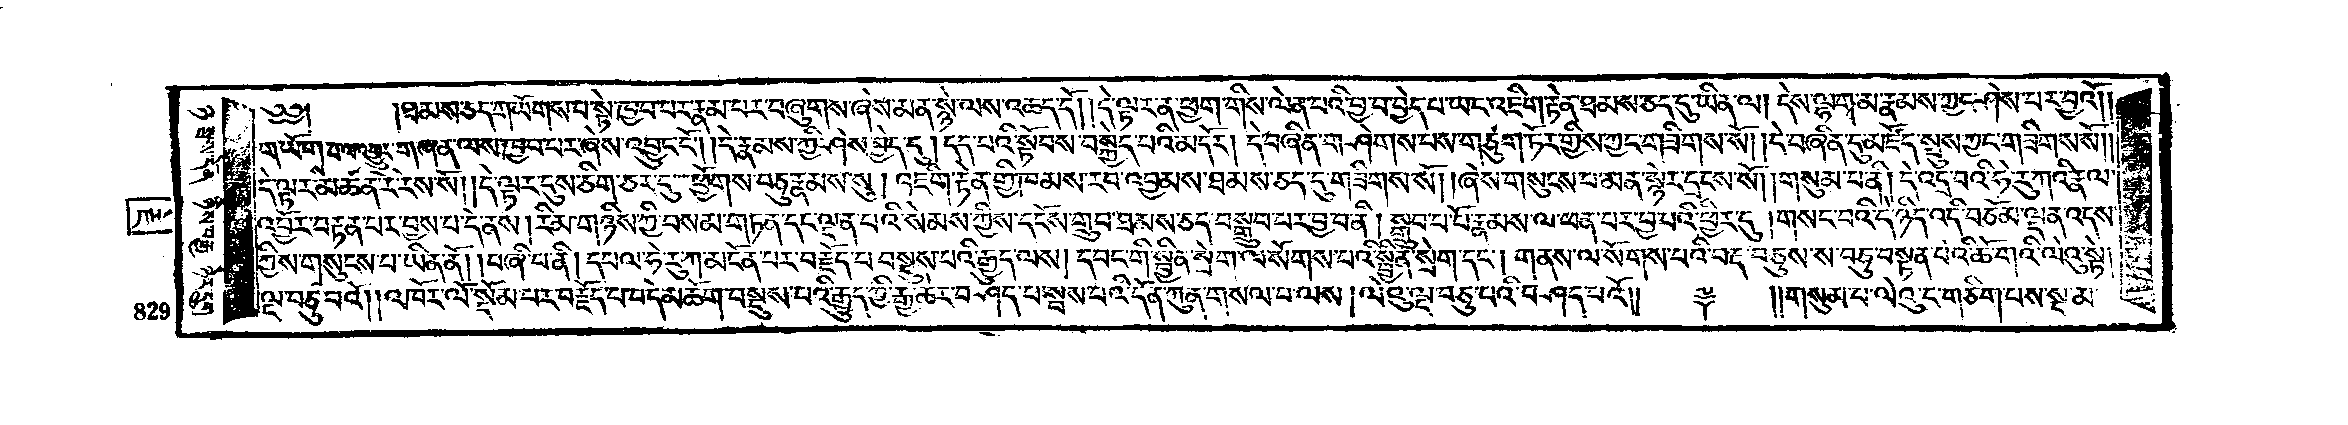༄༅། །ཐམས་ཅད་གཡོགས་པ་སྟེ་ཁྱབ་པར་རྣམ་པར་བཞུགས་ཞེས་མན་སྙེ་ལས་འཆད་དོ། །དེ་ལྟར་ན་ཕྱག་གིས་ལེན་པའི་བྱ་བ་བྱེད་པ་ཡང་འཇིག་རྟེན་ཐམས་ཅད་དུ་ཡིན་ལ། དེས་ལྷག་མ་རྣམས་ཀྱང་ཤེས་པར་བྱའོ། །
གཡོགས་པ་ལ་འགྱུར་གཞན་ལས་ཁྱབ་པར་ཞེས་འབྱུང་ངོ། །དེ་རྣམས་ཀྱི་ཤེས་བྱེད་དུ། དད་པའི་སྟོབས་བསྐྱེད་པའི་མདོར། དེ་བཞིན་གཤེགས་པས་གཙུག་ཏོར་གྱིས་ཀྱང་གཟིགས་སོ། །དེ་བཞིན་དུ་མཛོད་སྤུས་ཀྱང་གཟིགས་སོ། །
དེ་ལྟར་མཚན་རེ་རེས་སོ། །དེ་ལྟར་དུས་ཅིག་ཅར་དུ་ཕྱོགས་བཅུ་རྣམས་སུ། འཇིག་རྟེན་གྱི་ཁམས་རབ་འབྱམས་ཐམས་ཅད་དུ་གཟིགས་སོ། །ཞེས་གསུངས་པ་མན་སྙེར་དྲངས་སོ། །གསུམ་པ་ནི། དེ་འདྲ་བའི་ཧེ་རུ་ཀའི་རྣལ་
འབྱོར་བརྟན་པར་བྱས་པ་དེ་ནས། རིམ་གཉིས་ཀྱི་བསམ་གཏན་དང་ལྡན་པའི་སེམས་ཀྱིས་དངོས་གྲུབ་ཐམས་ཅད་བསྒྲུབ་པར་བྱ་བ་ནི། སྒྲུབ་པ་པོ་རྣམས་ལ་ཕན་པར་བྱ་བའི་ཕྱིར་དུ། གསང་བའི་དེ་ཉིད་འདི་བཅོམ་ལྡན་འདས་
ཀྱིས་གསུངས་པ་ཡིན་ནོ། །བཞི་པ་ནི། དཔལ་ཧེ་རུ་ཀ་མངོན་པར་བརྗོད་པ་བསྡུས་པའི་རྒྱུད་ལས། དབང་གི་སྦྱིན་སྲེག་ལ་སོགས་པའི་སྦྱིན་སྲེག་དང་། གནས་ལ་སོགས་པའི་བརྡ་བཅུས་ས་བཅུ་བསྟན་པའི་ཆོ་གའི་ལེའུ་སྟེ།
ལྔ་བཅུ་པའོ། །འཁོར་ལོ་སྡོམ་པར་བརྗོད་པ་བདེ་མཆོག་བསྡུས་པའི་རྒྱུད་ཀྱི་རྒྱ་ཆེར་བཤད་པ་སྦས་པའི་དོན་ཀུན་གསལ་བ་ལས། ལེའུ་ལྔ་བཅུ་པའི་བཤད་པའོ།། ༈ །།གསུམ་པ་ལེའུ་ང་གཅིག་པས་སྔ་མ་